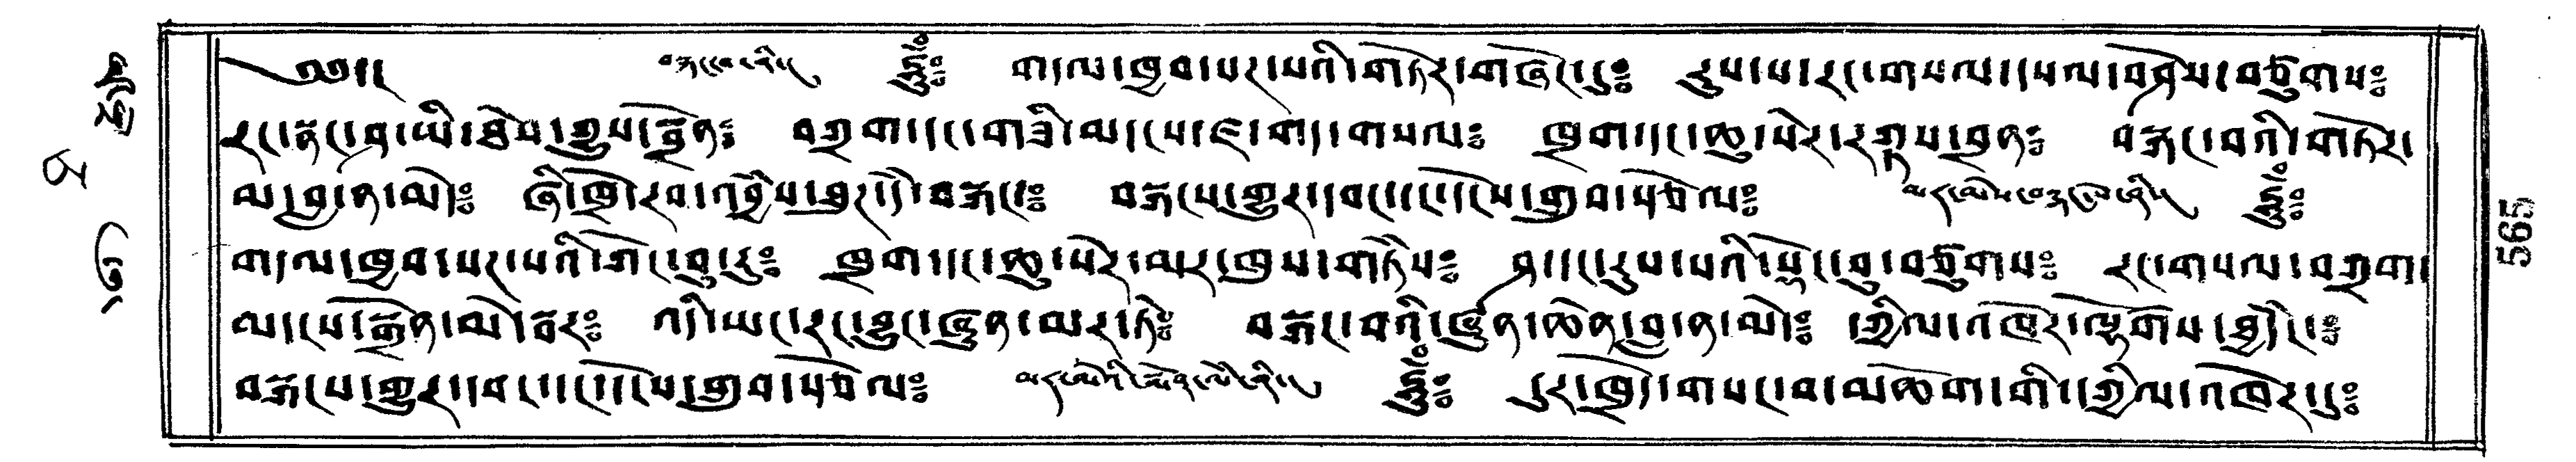བསྐང་བ་ནི། ཧཱུྃ༔ གདལ་ཁྱབ་པགས་པའི་གཏོར་གཞོང་དུ༔ རུས་པ་རང་གསལ་དཔལ་བཤོས་བཙུགས༔ 
རང་སྣང་ཤ་ཡི་མཐེབ་སྐྱུས་སྒྲོན༔ བཀྲག་དང་གཟི་མདངས་ཛ་གད་གསལ༔ ཁྲག་དང་ཆུ་སེར་རཀྟས་བྲན༔ བསྐང་བའི་གཏོར་
མ་བླ་ན་མེད༔ ཞི་ཁྲོ་རབ་འབྱམས་ཐུགས་དམ་བསྐང༔ བསྐངས་གྱུར་དབང་དང་དངོས་གྲུབ་སྩོལ༔ མར་མེས་བསྐང་པ་ནི། ཧཱུྃ༔ 
གདལ་ཁྱབ་པགས་པའི་ཀོང་བུ་རུ༔ ཁྲག་དང་ཆུ་སེར་མར་ཁུས་གཏམས༔ ཤ་དང་རུས་པའི་སྡོང་བུ་བཙུགས༔ རང་གསལ་བཀྲག་
མདངས་སྒྲོན་མེ་སྦར༔ འདི་ཡང་རང་བྱུང་ཞུན་མར་ཏེ༔ བསྐང་བའི་ཞུན་ཆེན་བླ་ན་མེད༔ དཀྱིལ་འཁོར་ལྷ་ཚོགས་ཐུགས་དམ་བསྐང་༔ 
བསྐངས་གྱུར་དབང་དང་དངོས་གྲུབ་སྩོལ༔ མར་མེའི་སྨོན་ལམ་ནི། ཧཱུྃ༔ དུར་ཁྲོད་གསང་བ་མཆོག་གི་དཀྱིལ་འཁོར་དུ༔